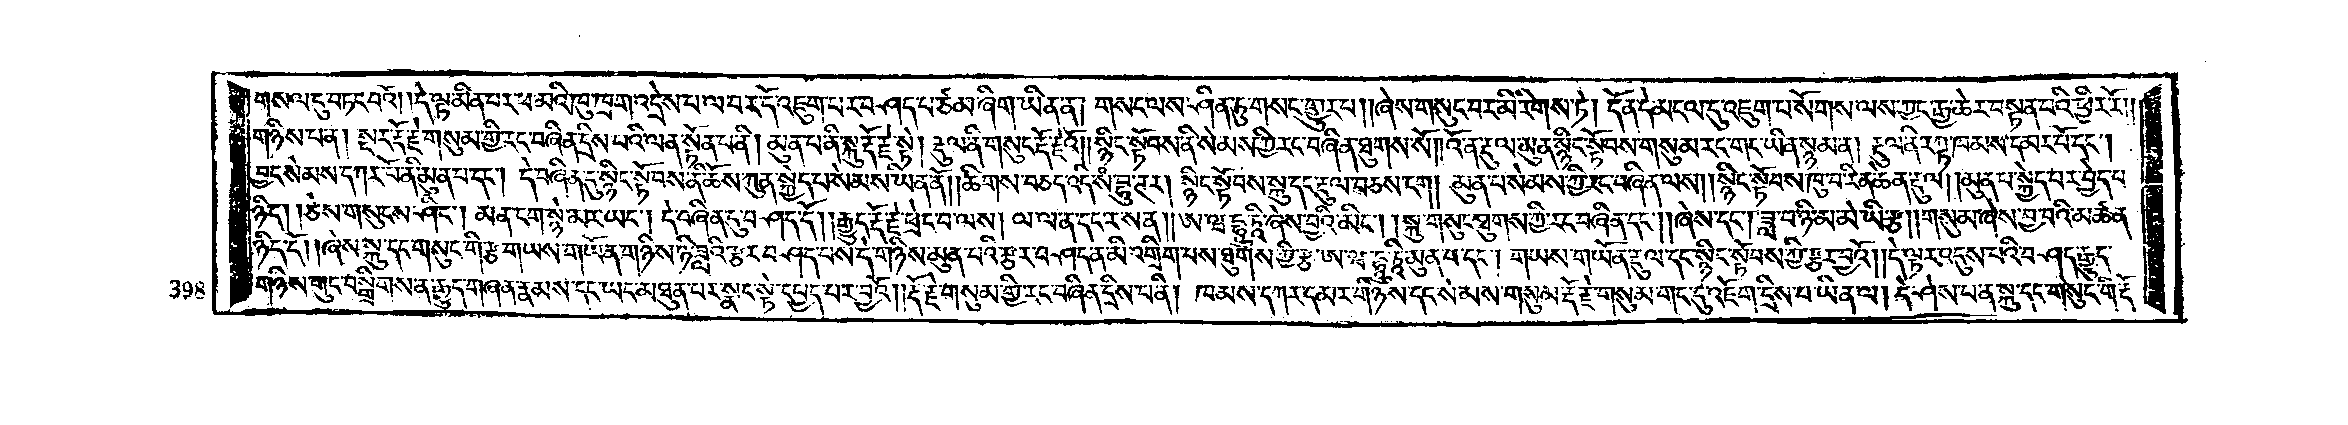གསལ་དུ་བཏང་བའོ། །དེ་ལྟ་མིན་པར་ཕ་མའི་ཁུ་ཁྲག་འདྲེས་པ་ལ་བར་དོ་འཇུག་པར་བཤད་པ་ཙམ་ཞིག་ཡིན་ན། གསང་ལས་ཤིན་ཏུ་གསང་གྱུར་པ། །ཞེས་གསུང་བར་མི་རིགས་ཏེ། དོན་དེ་མངལ་དུ་འཇུག་པ་སོགས་ལས་ཀྱང་རྒྱ་ཆེར་བསྟན་པའི་ཕྱིར་རོ། །
གཉིས་པ་ནི། སྔར་རྡོ་རྗེ་གསུམ་གྱི་རང་བཞིན་དྲིས་པའི་ལན་སྟོན་པ་ནི། མུན་པ་ནི་སྐུ་རྡོ་རྗེ་སྟེ། རྡུལ་ནི་གསུང་རྡོ་རྗེའོ། །སྙིང་སྟོབས་ནི་སེམས་ཀྱི་རང་བཞིན་ཐུགས་སོ། །འོ་ན་རྡུལ་མུན་སྙིང་སྟོབས་གསུམ་རང་གང་ཡིན་སྙམ་ན། རྡུལ་ནི་རཀྟ་ཁམས་དམར་པོ་དང་།
བྱང་སེམས་དཀར་པོ་ནི་མུན་པ་དང་། དེ་བཞིན་དུ་སྙིང་སྟོབས་ནི་ཆོས་ཀུན་སྐྱེད་པ་སེམས་ཡིན་ནོ། །ཚིགས་བཅད་འདི་སཾ་བཧུ་ཊར། སྙིང་སྟོབས་སྐུ་དང་རྡུལ་བཅས་ངག །མུན་པ་སེམས་ཀྱི་རང་བཞིན་ལས། །སྙིང་སྟོབས་ཁུ་བ་རིན་ཆེན་རྡུལ། །མུན་པ་སྐྱེད་པར་བྱེད་པ་
ཉིད། །ཅེས་གསུངས་ཤིང་། མན་ངག་སྙེ་མར་ཡང་། དེ་བཞིན་དུ་བཤད་དོ། །རྒྱུད་རྡོ་རྗེ་ཕྲེང་བ་ལས། ལ་ལ་ན་དང་ར་ས་ན། །ཨ་ཝ་དྷཱུ་ཏཱི་ཞེས་བྱའི་མིང་། །སྐུ་གསུང་ཐུགས་ཀྱི་རང་བཞིན་དང་། །ཞེས་དང་། ཟླ་བ་ཉི་མ་མེ་ཡི་རྩ། །གསུམ་ཞེས་བྱ་བའི་མཚན་
ཉིད་དོ། །ཞེས་སྐུ་དང་གསུང་གི་རྩ་གཡས་གཡོན་གཉིས་ཉི་ཟླའི་རྩར་བཤད་པས་དེ་གཉིས་མུན་པའི་རྩར་བཤད་ན་མི་འགྲིག་པས་ཐུགས་ཀྱི་རྩ་ཨ་ཝ་དྷཱུ་ཏཱི་མུན་པ་དང་། གཡས་གཡོན་རྡུལ་དང་སྙིང་སྟོབས་ཀྱི་རྩར་བྱའོ། །དེ་ལྟར་འདུས་པའི་བཤད་རྒྱུད་
གཉིས་གུང་བསྒྲིགས་ན་རྒྱུད་གཞན་རྣམས་དང་ཡང་མཐུན་པར་སྣང་སྟེ་དཔྱད་པར་བྱའོ། །རྡོ་རྗེ་གསུམ་གྱི་རང་བཞིན་དྲིས་པ་ནི། ཁམས་དཀར་དམར་གཉིས་དང་སེམས་གསུམ་རྡོ་རྗེ་གསུམ་གང་དུ་འཇོག་དྲིས་པ་ཡིན་ལ། དེ་ཤེས་པ་ན་སྐུ་དང་གསུང་གི་རྡོ་